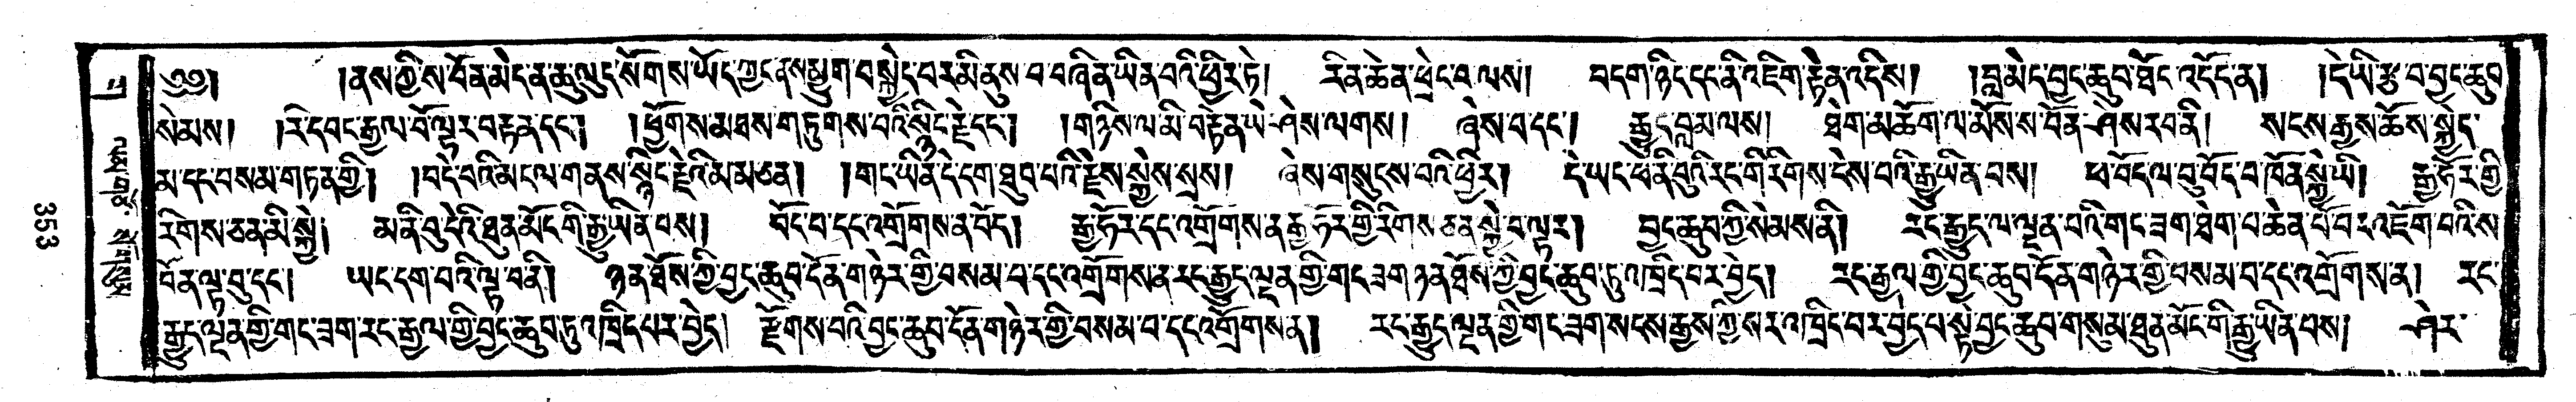༄༅། །ནས་ཀྱི་ས་བོན་མེད་ན་ཆུ་ལུང་སོགས་ཡོད་ཀྱང་ནས་མྱུག་བསྐྱེད་བར་མི་ནུས་བ་བཞིན་ཡིན་བའི་ཕྱིར་ཏེ། རིན་ཆེན་ཕྲེང་བ་ལས། བདག་ཉིད་དང་ནི་འཇིག་རྟེན་འདིས། །བླ་མེད་བྱང་ཆུབ་ཐོང་འདོད་ན། །དེ་ཡི་རྩ་བ་བྱང་ཆུབ་
སེམས། །རི་དབང་རྒྱལ་བོ་ལྟར་བརྟན་དང་། །ཕྱོགས་མཐས་གཏུགས་བའི་སྙིང་རྗེ་དང་། །གཉིས་ལ་མི་བརྟེན་ཡེ་ཤེས་ལགས། ཞེས་བ་དང་། རྒྱུད་བླ་མ་ལས། ཐེག་མཆོག་ལ་མོས་ས་བོན་ཤེས་རབ་ནི། སངས་རྒྱས་ཆོས་སྐྱེད་
མ་དང་བསམ་གཏན་གྱི། །བདེ་བའི་མངལ་གནས་སྙིང་རྗེའི་མ་མ་ཅན། །གང་ཡིན་དེ་དག་ཐུབ་པའི་རྗེས་སྐྱེས་སྲས། ཞེས་གསུངས་བའི་ཕྱིར། དེ་ཡང་ཕ་ནི་བུའི་རང་གི་རིགས་དེས་བའི་རྒྱུ་ཡིན་བས། ཕ་བོད་ལ་བུ་བོད་བ་ཁོན་སྐྱེ་ཡི། རྒྱ་ཧོར་གྱི་
རིགས་ཅན་མི་སྐྱེ། མ་ནི་བུ་དེའི་ཐུན་མོང་གི་རྒྱུ་ཡིན་བས། བོད་བ་དང་འགྲོགས་ན་བོད། རྒྱ་ཧོར་དང་འགྲོགས་ན་རྒྱ་ཧོར་གྱི་རིགས་ཅན་སྐྱེ་བ་ལྟར། བྱང་ཆུབ་ཀྱི་སེམས་ནི། རང་རྒྱུད་ལ་ལྡན་བའི་གནག་ཟག་ཐེག་པ་ཆེན་པོ་བར་འཇོག་བའི་ས་
བོན་ལྟ་བུ་དང་། ཡང་དག་བའི་ལྟ་བ་ནི། ཉན་ཐོས་ཀྱི་བྱང་ཆུབ་དོན་གཉེར་གྱི་བསམ་བ་དང་འགྲོགས་ན་རང་རྒྱུད་ལྡན་གྱི་གང་ཟག་ཉན་ཐོས་ཀྱི་བྱང་ཆུབ་ཏུ་འཁྲིད་བར་བྱེད། རང་རྒྱལ་གྱི་བྱང་ཆུབ་དོན་གཉེར་གྱི་བསམ་བ་དང་འགྲོགས་ན། རང་
རྒྱུད་ལྡན་གྱི་གང་ཟག་རང་རྒྱལ་གྱི་བྱང་ཆུབ་ཏུ་འཁྲིད་པར་བྱེད། རྫོགས་བའི་བྱང་ཆུབ་དོན་གཉེར་གྱི་བསམ་པ་དང་འགྲོགས་ན། རང་རྒྱུད་ལྡན་གྱི་གང་ཟག་སངས་རྒྱས་ཀྱི་སར་འཁྲིད་པར་བྱེད་པ་སྟེ་བྱང་ཆུབ་གསུམ་ཐུན་མོང་གི་རྒྱུ་ཡིན་པས། ཤེར་